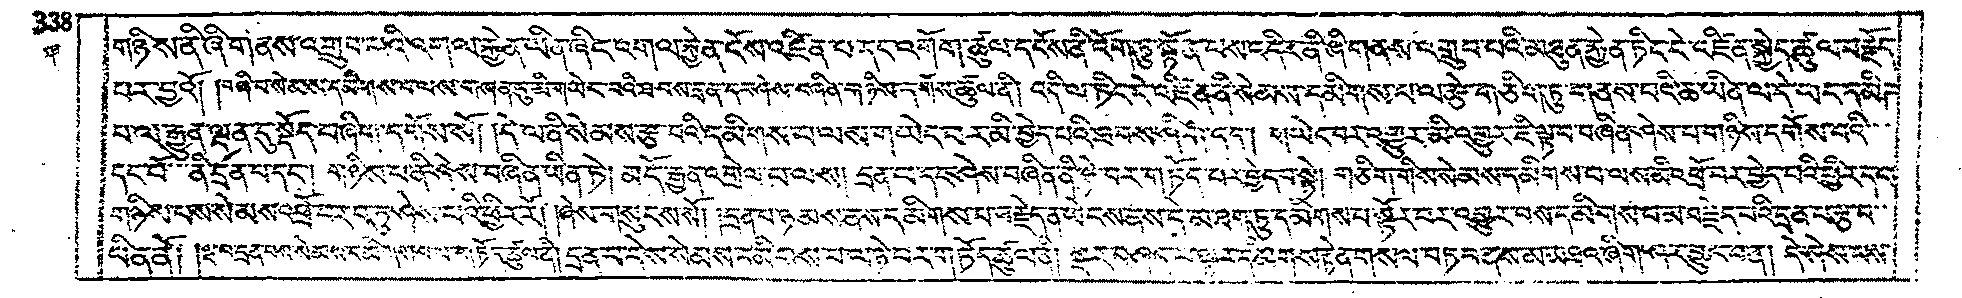གཉིས་ནི་ཞིག་ནས་འགྲུབ་པའི་འགལ་རྐྱེན་ཡིན་ཞིང་འགལ་རྐྱེན་ངོས་འཛིན་པ་དང་འགོག་ཚུལ་དངོས་ནི་འོག་ཏུ་སྟོན་པས་འདིར་ནི་ཞི་གནས་འགྲུབ་པའི་མཐུན་རྐྱེན་ཏིང་ངེ་འཛིན་སྐྱེད་ཚུལ་བརྗོད་
པར་བྱའོ། །བཞི་པ་སེམས་དམིགས་པ་ལས་གཞན་དུ་མི་གཡེང་བའི་ཐབས་དྲན་དང་ཤེས་བཞིན་གཉིས་དགོས་ཚུལ་ནི།  འདི་ལ་ཏིང་ངེ་འཛིན་ནི་སེམས་དམིགས་པ་ལ་རྩེ་གཅིག་ཏུ་གནས་པའི་ཆ་ཡིན་ལ་དེ་ཡང་དམིཌ་
པ་ལ་རྒྱུན་ལྡན་དུ་སྡོད་པ་ཞིག་དགོས་སོ། །དེ་ལ་ནི་སེམས་རྩ་བའི་དམིགས་པ་ལས་གཡེང་བར་མི་བྱེད་པའི་ཐབས་ཤིག་དང་། གཡེང་བར་འགྱུར་མི་འགྱུར་ཇི་ལྟ་བ་བཞིན་ཤེས་པ་གཉིས་དགོས་པའི་
དང་པོནི་དྲན་པ་དང་། གཉིས་པ་ནི་ཞེས་བཞིན་ཡིན་ཏེ། མདོ་རྒྱན་འགྲེལ་པ་ལས། དྲན་པ་དང་ཤེས་བཞིན་ནི་ཉེ་བར་གཏོད་པར་བྱེད་པ་སྟེ། གཅིག་གིས་སེམས་དམིགས་པ་ལས་མི་འཕྲོ་བར་བྱེད་པའི་ཕྱིར་དང་
གཉིས་པས་སེམས་འཕྲོ་བ་རབ་ཏུ་ཤེས་པའི་ཕྱིར་རོ། །ཞེས་གསུངས་སོ། །དྲན་པ་ཉམས་ནས་དམིགས་པ་བརྗེད་ན་ཡེངས་ནས་དེ་མ་ཐག་ཏུ་དམིགས་པ་སྟོར་བར་འགྱུར་བས་དམིགས་པ་མ་བརྗེད་པའི་དྲན་པ་རྩ་བ་
ཡིན་ནོ། །སྔ་པ་དྲན་པས་སེམས་དམིགས་པ་ལ་གཏོད་ཚུལ་ནི།  དྲན་པ་དེས་སེམས་དམིགས་པ་ལ་ཉེ་བར་གཏོད་ཚུལ་ནི། སྔར་བཤད་པ་ལྟར་དམིགས་རྟེན་གསལ་བཏབ་ནས་མ་མཐའ་ཞིག་ཤར་བྱུང་བ་ན། དེ་ཤེས་པས་